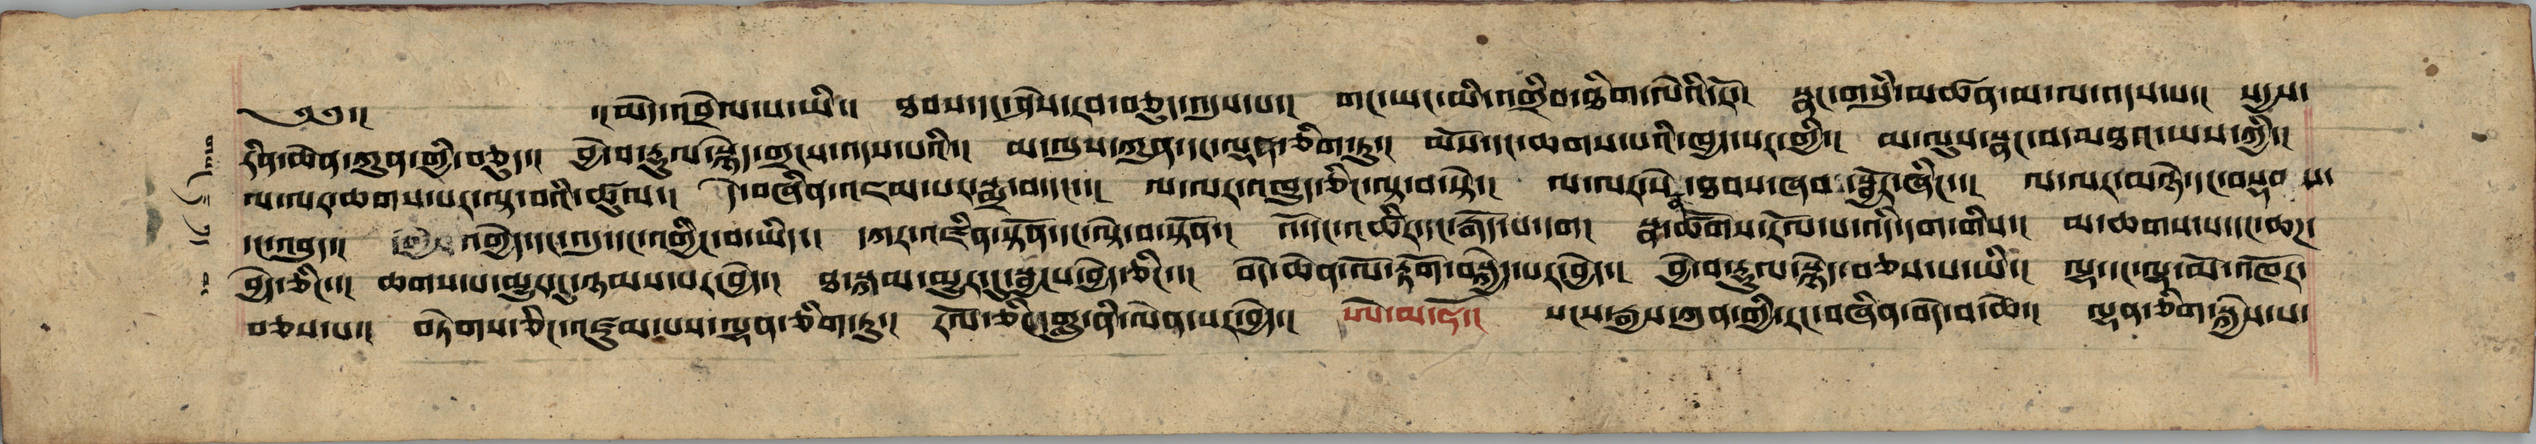༄༅་། ་།མེད་འབྲེལ་པ་ཡི་། ཐབས་དང་ཤེས་རབ་བཅུད་འདུས་པ་། གང་ཡང་མི་འགྲིབ་ཐིག་ལེའི་རོ་། སྣང་གསུཾ་མཚན་མ་ལ་འདས་པ་། སདྱས་
རིན་ཆེན་ཀུན་གྱི་བཅུད་། བྱེ་བ་རྡུལ་སྙེད་གྲངས་འདས་པའི་། མ་ལུས་ཀུན་དང་ལྷན་ཅིག་ཏུ་། མོས་དང་ཆགས་པའི་ཁྱད་པར་གྱི་། མ་ལུས་སྣང་བ་མཐའ་ཡས་ཀྱི་།
ལ་ལར་ཆགས་པར་ལྟ་བའི་ཚུལ་། དེ་བཞིན་འཇམ་པར་སྨྲ་བ་དང་་། ལ་ལར་འཁྱུད་ཅིང་ལྟ་བ་སྟེ་། ལ་ལར་སེན་ཐབས་ཞབ་སྦྱོར་ཞིང་་། ལ་ལར་མཉེ་དང་བསྡམས་
དང་འབུད་། འགྱེད་དང་འདུ་དང་འགྱིང་བ་ཡིད་། དཀར་འཛིན་སྟོན་དང་ལྟེ་བ་སྟོན་། འོ་དང་འཚིར་དང་རྒོད་པ་དག། སྣ་ཚོགས་རོལ་པ་འདི་དག་གིས་། མ་ཆགས་པ་དང་ཆཌ་
བྱེད་ཅིང་་། ཆགས་པ་མྱུར་དུ་ཉམས་པར་བྱེད་། ཐ་སྐམ་མྱུར་དུ་སྦྱངས་བྱེད་ཅིང་་། བདེ་ཆེན་ལོ་རྟོག་བསྐྱེད་པར་བྱེད་། བྱེ་བ་རྡུལ་སྙེད་བཅས་པ་ཡི་། ལྷ་དང་ལྷ་མོ་འཁོར་
བཅས་པ་། བཏེགས་ཅིང་འཛུམ་པས་ལྷན་ཅིག་ཏུ་། རོལ་ཅིང་གླུ་ནི་ལེན་པར་བྱེད་། ཨེ་མ་ཧོ་། སངས་རྒྱས་ཀུན་གྱི་རང་བཞིན་བདེ་བ་ཆེ་། ལྷན་ཅིག་སྐྱེས་པ་